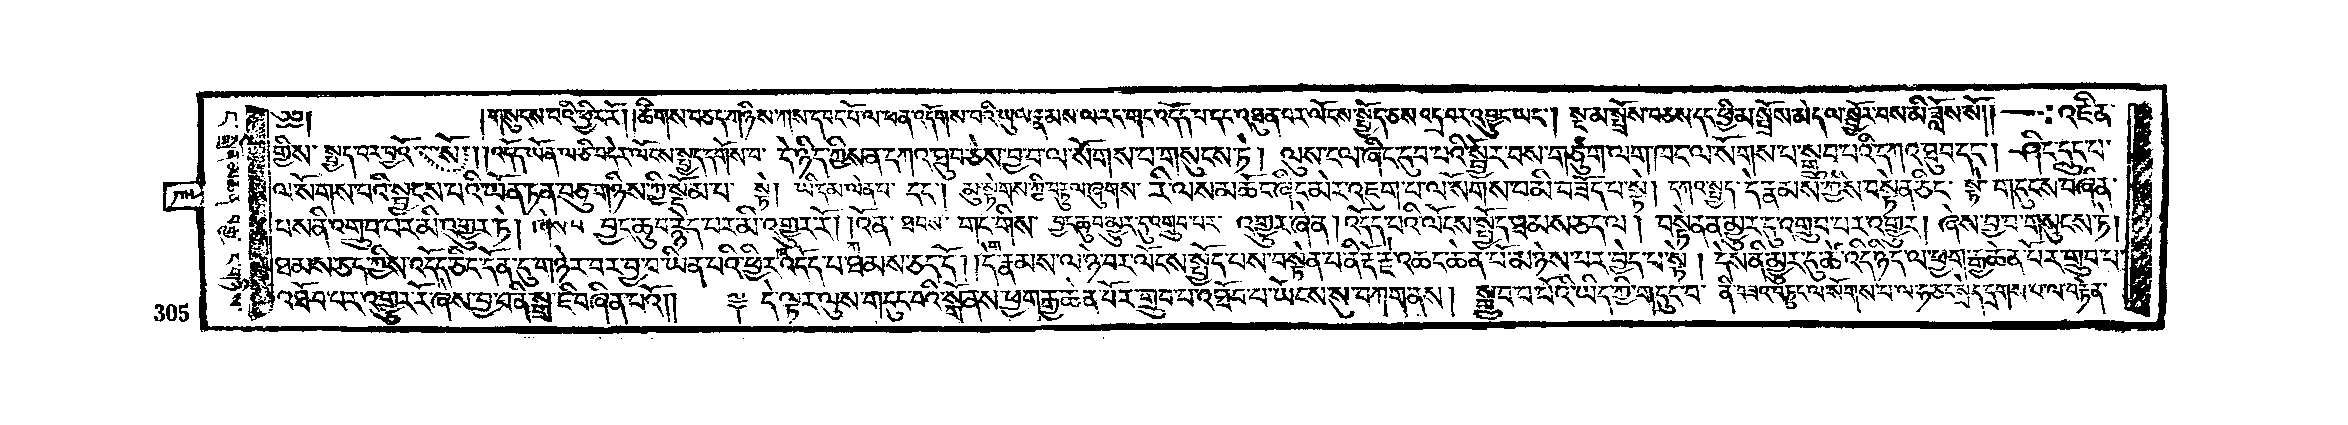༄༅། །གསུངས་པའི་ཕྱིར་རོ། །ཚིགས་བཅད་གཉིས་ཀས་དབང་པོ་ལ་ཕན་འདོགས་པའི་ཡུལ་རྣམས་ལ་རང་གང་འདོད་པ་དང་འཐུན་པར་ལོངས་སྤྱོད་ཅེས་འདྲ་བར་འབྱུང་ཡང་། སྔ་མ་སྤྲོས་བཅས་དང་ཕྱི་མ་སྤྲོས་མེད་ལ་སྦྱོར་བས་མི་ཟློས་སོ།། .H འཛིན་
གྱིས་སྤྱད་པར་བྱའོ་སོ། ། འདོད་ཡོན་ལ་ཅི་བདེར་ལོངས་སྤྱོད་དགོས་པ་དེ་ཉིད་ཀྱིས་ན་དཀའ་ཐུབ་ཅེས་བྱ་བ་ལ་སོགས་པ་གསུངས་ཏེ། ལུས་ངལ་ཞིང་དུབ་པའི་སྦྱོར་བས་གཙུག་ལག་ཁང་ལ་སོགས་པ་སྒྲུབ་པའི་དཀའ་ཐུབ་དང་། ཤིང་དྲུང་པ་
ལ་སོགས་པའི་སྦྱངས་པའི་ཡོན་ཏན་བཅུ་གཉིས་ཀྱི་སྡོམ་པ་སྟེ། ཡི་དམ་ལེན་པ་དང་། མུ་སྟེགས་ཀྱི་བརྟུལ་ཞུགས་རི་ལས་མཆོང་ཞིང་མེར་འཇུག་པ་ལ་སོགས་པ་མི་བཟོད་པ་སྟེ། དཀའ་སྤྱད་དེ་རྣམས་ཀྱིས་བསྟེན་ཅིང་སྟེ་གདུངས་བཞིན་
པས་ནི་འགྲུབ་པར་མི་འགྱུར་ཏེ། ཞེས་པ་བྱང་ཆུབ་རྙེད་པར་མི་འགྱུར་རོ། །འོ་ན་ཐབས་གང་གིས་བྱང་ཆུབ་མྱུར་དུ་འགྲུབ་པར་འགྱུར་ཞེ་ན། འདོད་པའི་ལོངས་སྤྱོད་ཐམས་ཅད་ལ། བསྟེན་ན་མྱུར་དུ་འགྲུབ་པར་འགྱུར། ཞེས་བྱ་བ་གསུངས་ཏེ།
ཐམས་ཅད་ཀྱིས་འདོད་ཅིང་དོན་དུ་གཉེར་བར་བྱ་བ་ཡིན་པའི་ཕྱིར་ཁ་འདོད་པ་ཀ་ཐམས་ཅད་དོ། ། ག་དེ་རྣམས་ལ་ཉེ་བར་ལོངས་སྤྱོད་པས་བསྟེན་པ་ནི་རྡོ་རྗེ་འཆང་ཆེན་པོ་མཉེས་པར་བྱེད་པ་སྟེ། དེས་ནི་མྱུར་དུ་ཚེ་འདི་ཉིད་ལ་ཕྱག་རྒྱ་ཆེན་པོར་གྲུབ་པ་
འཐོབ་པར་འགྱུར་རོ་ཞེས་བྱ་བ་ནི་སྒྲ་ཇི་བཞིན་པའོ།། ༈ དེ་ལྟར་ལུས་གདུང་བའི་སྒོ་ནས་ཕྱག་རྒྱ་ཆེན་པོར་གྲུབ་པ་འཐོབ་པ་ཡོངས་སུ་བཀག་ནས། སྒྲུབ་པ་པོའི་ཡིད་ཀྱི་གདུང་བ་ནི་བཟའ་བཏུང་ལ་སོགས་པ་ལ་ཧ་ཅང་སྲེད་དྲགས་པ་ལ་བརྟེན་